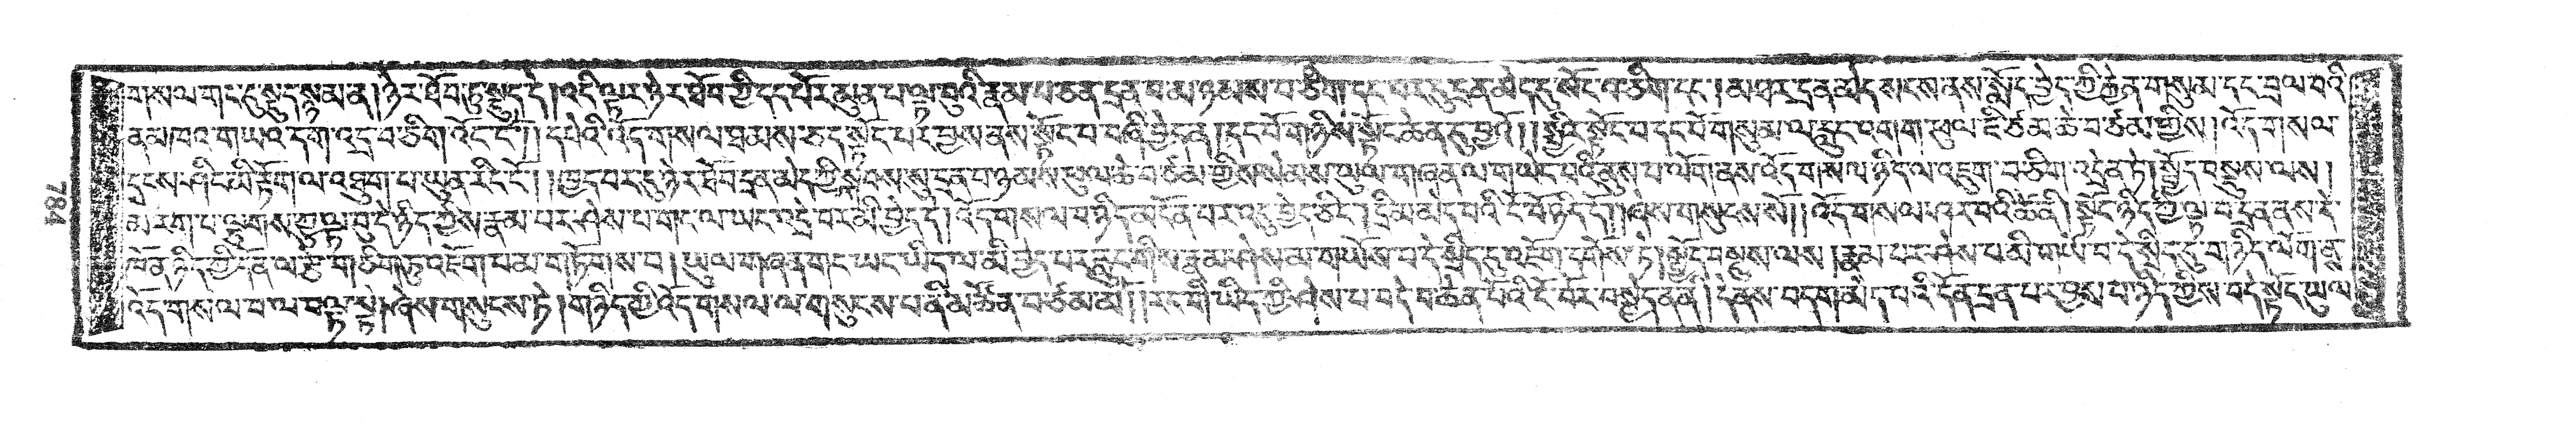གསལ་གང་དུ་སྡུད་སྙམ་ན། ཉེར་ཐོབ་ཏུ་སྡུད་དེ། འདི་ལྟར་ཉེར་ཐོབ་ཀྱི་དང་པོར་མུན་པ་ལྟ་བུའི་རྣམ་པ་ཅན་དྲན་པ་མ་ཉམས་པ་ཅིག་དང་བར་དུ་དྲན་མེད་དུ་སོང་བ་ཅིག་དང་། མཐར་དྲན་མེད་སངས་ནས་སློད་བྱེད་ཀྱི་རྐྱེན་གསུམ་དང་བྲལ་བའི་
ནམ་མཁའ་གཡས་དག་འདྲ་བ་ཅིག་འོང་ངོ། །དཔེའི་འོད་གསལ་ཐམས་ཅད་སྟོང་པར་བྱས་ནས་སྟོང་པར་བྱས་ནས་སྟོང་པ་བཞི་བྱེད་ན། དང་པོ་གཉིས་སྟོང་ཆེན་དུ་བྱའོ། །སྤྱིར་སྟོང་པ་དང་པོ་གསུམ་ལ་རླུང་འགག་ཕུལ་ཇི་ཙམ་ཆེ་བ་ཙམ་གྱིས། འོད་གསལ་
དྲངས་ཤིང་མི་རྟོག་ལ་འཐུག་པ་ཡུན་རིང་ངོ། ཁྱད་པར་དུ་ཉེར་ཐོབ་དྲན་མེད་ཀྱི་སྐབས་སུ་དྲན་པ་ཉམས་ཕུལ་ཆེ་བ་ཙམ་གྱིས་སེམས་ཡུལ་གཞན་ལ་གཡེང་བའི་ནུས་པ་ལོག་ནས་འོད་གསལ་ཉིད་ལ་འཇུག་པ་ཅིག་འདྲེན་ཏེ། སྤྱོད་བསྡུས་ལས།
མ་རིག་པ་ལྕགས་ཀྱུ་ལྟ་བུ་དེ་ཉིད་ཀྱིས་རྣམ་པར་ཤེས་པ་གང་ལ་ཡང་འདྲེ་བར་མི་བྱེད་དེ། འོད་གསལ་བ་ཉིད་མངོན་པར་འདུ་བྱེད་ཅིང་། དྲི་མ་མེད་པའི་ངོ་བོ་ཉིད་དོ། ། ཞེས་གསུངས་སོ། །འོད་གསལ་ཤར་བའི་ཚེ་ནི། སྟོང་ཉིད་ཀྱི་ལྟ་བ་དྲན་ནས་དེ་
ཁོ་ན་ཉིད་ཀྱི་དོན་ལ་རྩེ་གཅིག་ཏུ་འཇོག་པ་མ་གཏོགས་པ། ཡུལ་གཞན་དང་ཡང་ཡིད་ལ་མི་བྱེད་པར་རླུང་གིས་རྣམ་ཤེས་མ་གཡོས་པ་དེ་སྲིད་དུ་འཇོག་དགོས་ཏི། སྤྱོད་བསྡུས་ལས། རྣམ་པར་ཤེས་པ་མི་གཡོ་བ་དེ་སྲིད་དུ་གཉིད་ལོག་ནས་
འོད་གསལ་བ་ལ་བལྟ་སྟེ། ཞེས་གསུངས་ཏེ། གཉིད་ཀྱི་འོད་གསལ་ལ་གསུངས་པ་ནི་མཚོན་པ་ཙམ་མོ། །རང་གི་ཡིད་ཀྱི་ཤེས་པ་བདེ་བ་ཆེན་པོའི་ངོ་བོར་བསྐྱེད་ན་ནི། དེ་ནས་བདག་མེད་པའི་དོན་དྲན་པར་བྱས་པ་ཉིད་ཀྱིས་བདེ་སྟོང་ཡུལ་